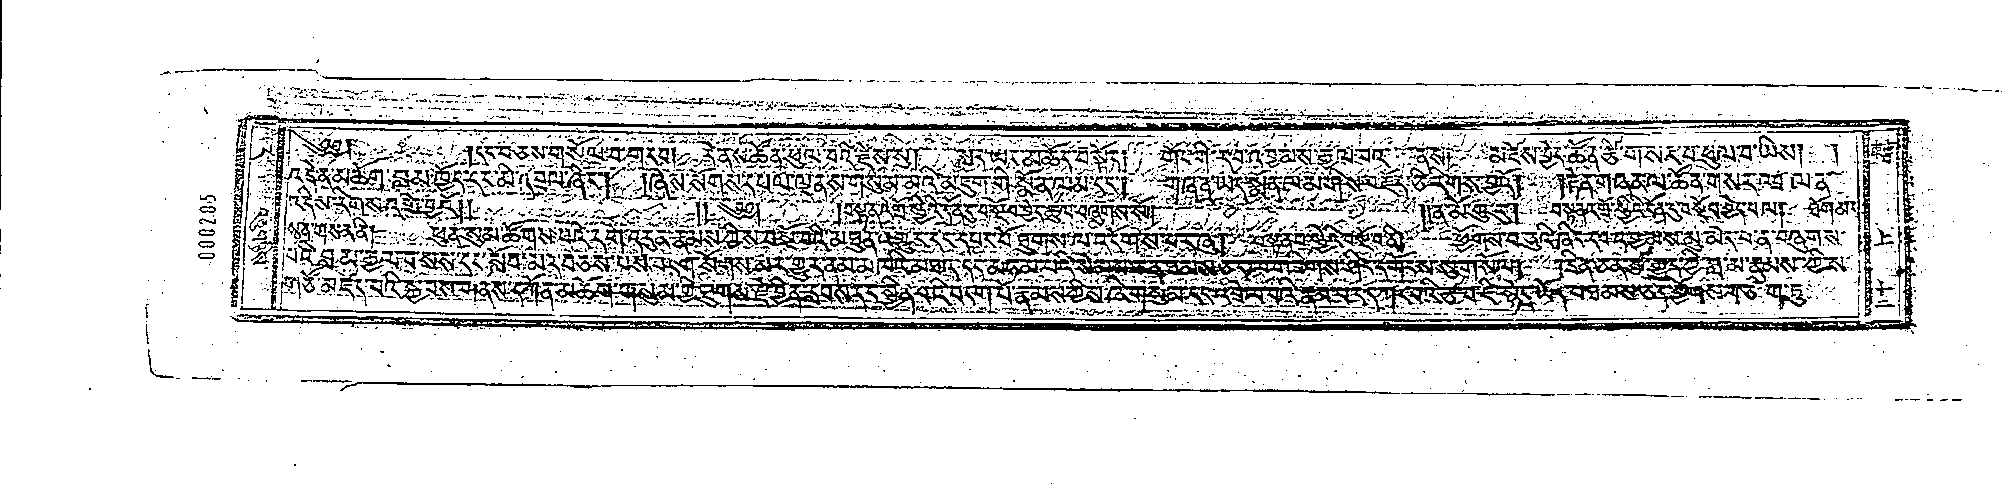༄༅། །དང་བཅས་གསོལ་བ་གདབ། དེ་ནས་ཚོན་ཕུལ་བའི་རྗེས་སུ། སླར་ཡང་མཆོད་བསྟོད། གོང་གི་རབ་འབྱམས་རྒྱལ་བའི་ནས། མཛེས་བྱེད་ཚོན་རྩི་གསང་བ་ཕུལ་བ་ཡིས། །
འདྲེན་མཆོག་བླ་མཁྱོད་དང་མི་འབྲལ་ཞིང་། །ཞེས་སོགས་དཔལ་ལྡན་ས་གསུམ་མའི་མཇུག་གི་སྨོན་ལམ་དང་། གཞན་ཡང་སྨོན་ལམ་ཤིས་བརྗོད་ཅི་རིགས་བྱའོ། །རྟེན་གཞན་ལ་ཚོན་གསར་འབྲལ་ན་
འདིས་རིགས་འགྲོ་བྱའོ།། །། ༄༅། །བསྟན་འགྲོ་སྤྱིའི་དོན་དུ་བསྔོ་བ་བྱེད་ཚུལ་བཞུགས་སོ།། །།ན་མོ་གུ་རུ། བསྟན་འགྲོ་སྤྱིའི་དོན་དུ་བསྡོ་བ་བྱེད་པ་ལ། ཐོག་མ་
སྙན་གསན་ནི། ཕུན་སུམ་ཚོགས་པའི་དགེ་འདུན་རྣམས་ཀྱིས་བསྔོ་བའི་མཐུན་འགྱུར་དང་དཔང་བོ་ཐུགས་ལ་འདོགས་པར་ཞུ། བསྟན་བ་སྤྱིའི་བསྔོ་བ་ནི། ཕྱོགས་བཅུའི་ཞིང་རབ་འབྱམས་མུ་མེད་པ་ན་བཞུགས་
པའི་བླ་མ་རྒྱལ་བ་སྲས་དང་སློབ་མར་བཅས་པས་བདག་སོགས་མར་གྱུར་ནམ་མཁའི་མཐའ་དད་མཉམ་པའི་སེམས་ཅན་ཐམས་ཅད་ལ་གཟིགས་ཤིང་དགོངས་སུ་གསོལ། །དྲིན་ཅན་རྩ་རྒྱུད་ཀྱི་བླ་མ་རྣམས་ཀྱིས་
གཙོ་མཛད་པའི་སྐྱབས་གནས་དཀོན་མཆོག་གསུམ་གྱི་ཐུགས་རྫེ་བྱིན་རླབས་དང་སྦྱིན་པའི་བདག་པོ་རྣམས་ཀྱིས་ཞི་གསུམ་དང་འབྲེལ་བའི་རྣམ་པར་དཀར་བའི་རྩ་བ་ཇི་སྙེད་ཡོད་པ་ཐམས་ཅད་ཕྱོགས་གཅིག་ཏུ་